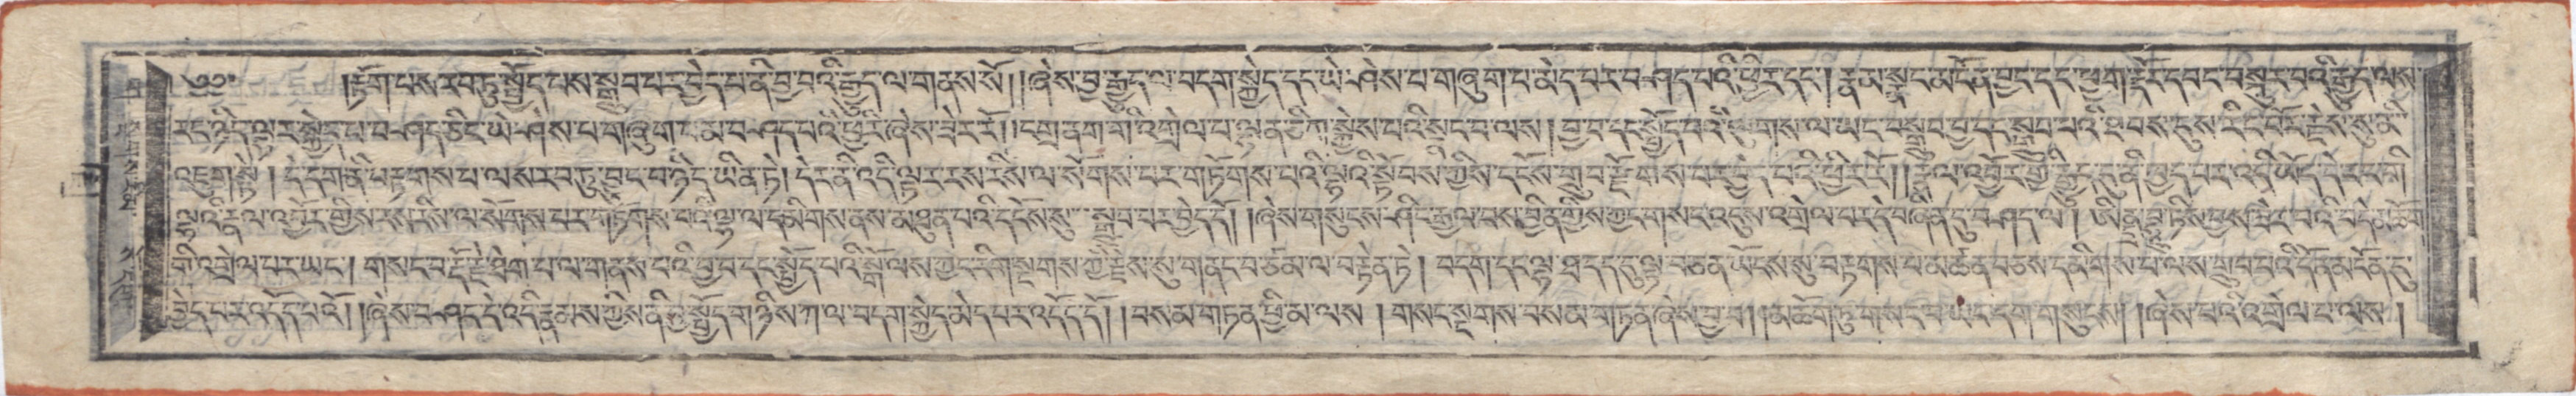༄༅། །རྟོག་པས་རབ་ཏུ་སྤྱོད་པས་སྒྲུབ་པར་བྱེད་པ་ནི་བྱ་བའི་རྒྱུད་ལ་གནས་སོ། །ཞེས་བྱ་རྒྱུད་ལ་བདག་སྐྱེད་དང་ཡེ་ཤེས་པ་གཞུག་པ་མེད་པར་བཤད་པའི་ཕྱིར་དང་། རྣམ་སྣང་མངོན་བྱང་དང་ཕྱག་རྡོར་དབང་བསྐུར་བའི་རྒྱུད་ལས་
རང་ཉིད་ལྷར་སྐྱེད་པ་བཤད་ཅིང་ཡེ་ཤེས་པ་གཞུག་པ་མ་བཤད་པའི་ཕྱིར་ཞེས་ཟེར་རོ། །དགྲ་ནག་གི་འགྲེལ་པ་ལྷན་ཅིག་སྐྱེས་པའི་སྣང་བ་ལས། བྱ་བ་དང་སྤྱོད་པའི་ལུགས་ལ་ཡང་བསྒྲུབ་བྱ་དང་སྒྲུབ་པའི་ཐབས་དུས་རིང་པོར་རྗེས་སུ་མི་
འཇུག་སྟེ། དེ་དག་ནི་བརྟགས་པ་ལས་རབ་ཏུ་བྱུང་བ་ཉིད་ཡིན་ཏེ། དེར་ནི་འདི་ལྟར་རས་རིས་ལ་སོགས་པར་གཏོགས་པའི་ལྷའི་སྟོབས་ཀྱིས་དངོས་གྲུབ་རྫོགས་པར་བྱེད་པའི་ཕྱིར་རོ། །རྣལ་འབྱོར་གྱི་རྒྱུད་དུ་ནི་ཁྱད་པར་འདི་ཡོད་དེ་རང་གི་
ལྷའི་རྣལ་འབྱོར་གྱིས་རས་རིས་ལ་སོགས་པར་གཏོགས་པའི་ལྷ་ལ་དམིགས་ནས་མཐུན་པའི་དངོས་སུ་སྒྲུབ་པར་བྱེད་དོ། །ཞེས་གསུངས་ཤིང་རྒྱལ་བས་བྱིན་གྱིས་ཀྱང་གསང་འདུས་འགྲེལ་པར་དེ་བཞིན་དུ་བཤད་ལ། ཨིནྡྲ་བྷཱུ་ཏིས་བྱས་ཟེར་བའི་བདེ་མཆོག་
གི་འགྲེལ་པར་ཡང་། གསང་བ་རྡོ་རྗེ་ཐེག་པ་ལ་གནས་པའི་བྱ་བ་དང་སྤྱོད་པའི་སྒོ་ལས་ཀྱང་རིག་སྔགས་ཀྱི་རྗེས་སུ་གནང་བ་ཙམ་ལ་བརྟེན་ཏེ། བདག་དང་ལྷ་ཐ་དད་དུ་ལྟ་བ་ཅན་ཡོངས་སུ་བརྟགས་པ་མཚན་བཅས་དམིགས་པ་ལས་གྲུབ་པའི་དོན་མངོན་དུ་
བྱེད་པར་འདོད་པའོ། །ཞེས་བཤད་དེ་འདི་རྣམས་ཀྱིས་ནི་བྱ་སྤྱོད་གཉིས་ཀ་ལ་བདག་སྐྱེད་མེད་པར་འདོད་དོ། །བསམ་གཏན་ཕྱི་མ་ལས། གསང་སྔགས་བསམ་གཏན་ཞེས་བྱ་བ། །མཆོག་ཏུ་གསང་བ་ཡང་དག་གསུངས། །ཞེས་པའི་འགྲེལ་པ་ལས།